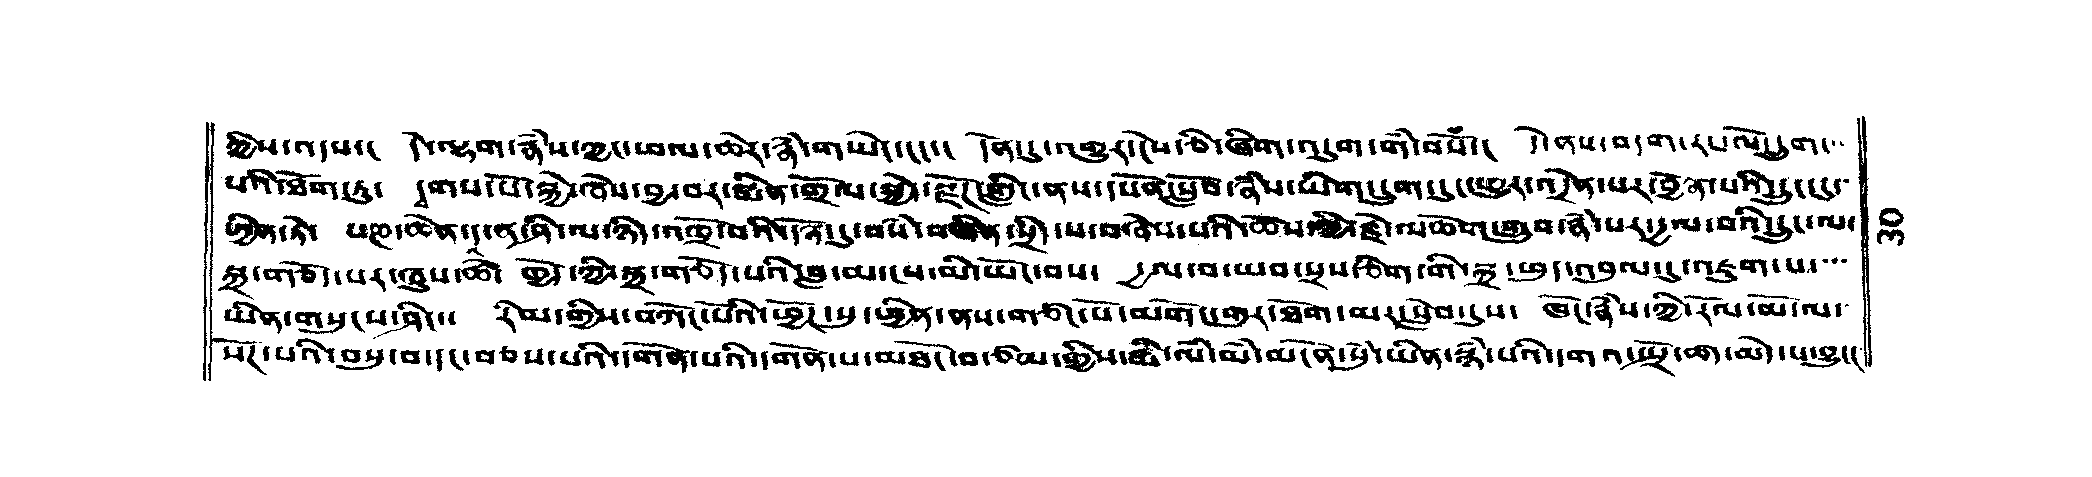ཀྱིས་འདས། །དེ་ལྷག་རྣམས་ཀྱང་ཕལ་ཆེར་རྣམ་གཡེང་ངང་། །དོན་དུ་འགྱུར་ངེས་ཅི་ཞིག་འདུག་གམ་བསོམས། དེ་ནས་བདག་རང་ལོ་དྲུག་
པའི་ཐོག་ཏུ། དྭགས་པོ་སྐྱེ་ཞེས་བྱ་བར་སྨིན་གྲོལ་སྐྱེད་རྫོགས་གླིང་ནས་དཔོན་སློབ་རྣམས་ཡིག་དྲུག་དུང་ཕྱུར་འདྲེན་པར་བྱོན་པའི་དྲུང་དུ་
ཕྱིན་ཏེ། པཎ་ཆེན་དཱ་ན་ཤི་ལ་ཉིད་འགྲོ་བའི་དོན་དུ་བསམ་བཞིན་སྲིད་པ་བཞེས་པའི་ཆོས་ཀྱི་རྗེ་མཆོག་གྲུབ་རྣམ་པར་རྒྱལ་བའི་དྲུང་ལ་
སྐྲ་གཅོད་པར་ཞུས་ཚེ། ཁྱོད་ཀྱི་སྐྲ་གཅོད་པའི་བླ་མ་ངས་མི་ཡོང་བས། རྒྱལ་བ་ཡབ་སྲས་གཅིག་གི་དྲུང་སྐྲ་ཕུད་འབུལ་དུ་འཇུག་པ་
ཡིན་གསུངས་ཤིང་། རིམ་གྱིས་ཀོང་པོའི་ཕྱོགས་སུ་ཕྱིན་ནས་གཙང་པོ་མགོ་དགུར་ཐོག་མར་སླེབ་དུས། ཁོང་རྣམས་ཀྱི་རོལ་མོ་ལ་
སོགས་པའི་བསུ་བ་དང་བཅས་པའི་དགོན་པའི་དགོན་པ་མཐོང་བ་ཙམ་གྱིས་རྨི་ལམ་མངོན་སུམ་ཡིན་སྙམ་པའི་དགའ་སྤྲོ་ཚད་མེད་པ་བྱུང་།